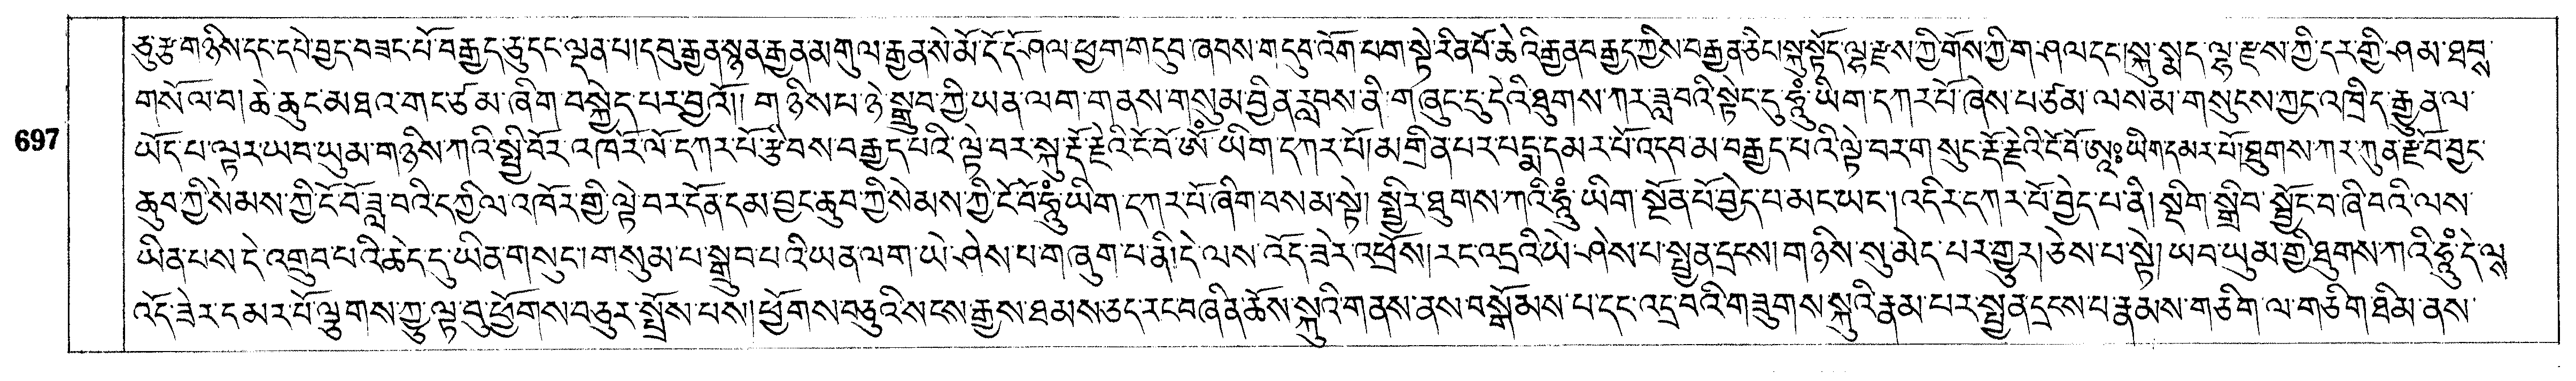ཅུ་རྩ་གཉིས་དང་དཔེ་བྱད་བཟང་པོ་བརྒྱད་ཅུ་དང་ལྡན་པ། དབུ་རྒྱན་སྙན་རྒྱན་མགུལ་རྒྱན་སེ་མོ་ངོ་དོ་ཤལ་ཕྱག་གདུབ་ཞབས་གདུབ་འོག་པག་སྟེ་རིན་པོ་ཆེའི་རྒྱན་བརྒྱད་ཀྱིས་བརྒྱན་ཅིང་། སྐུ་སྟོད་ལྷ་རྫས་ཀྱི་གོས་ཀྱི་ག་ཤལ་དང་། སྐུ་སྨད་ལྷ་རྫས་ཀྱི་དར་གྱི་ཤམ་ཐབས་
གསོལ་བ། ཆེ་ཆུང་མཐའ་གང་ཙམ་ཞིག་བསྐྱེད་པར་བྱའོ། །གཉིས་པ་ཉེ་སྒྲུབ་ཀྱི་ཡན་ལག་གནས་གསུམ་བྱིན་རླབས་ནི། གཞུང་དུ་དེའི་ཐུགས་ཀར་ཟླ་བའི་སྟེང་དུ་ཧཱུཾ་ཡིག་དཀར་པོ་ཞེས་པ་ཙམ་ལས་མ་གསུངས་ཀྱང་འཁྲིད་རྒྱུན་ལ་
ཡོད་པ་ལྟར་ཡབ་ཡུམ་གཉིས་ཀའི་སྤྱི་བོར་འཁོར་ལོ་དཀར་པོ་རྩིབས་བརྒྱད་པའི་ལྟེ་བར་སྐུ་རྡོ་རྗེའི་ངོ་བོ་ཨོཾ་ཡིག་དཀར་པོ། མགྲིན་པར་པདམ་དམར་པོ་འདབ་མ་བརྒྱད་པའི་ལྟེ་བར་གསུང་རྡོ་རྗེའི་ངོ་བོ་ཨཱཿ ཡིག་དམར་པོ། ཐུགས་ཀར་ཀུན་རྫོབ་བྱང་
ཆུབ་ཀྱི་སེམས་ཀྱི་ངོ་བོ་ཟླ་བའི་དཀྱིལ་འཁོར་གྱི་ལྟེ་བར་དོན་དམ་བྱང་ཆུབ་ཀྱི་སེམས་ཀྱི་ངོ་བོ་ཧཱུཾ་ཡིག་དཀར་པོ་ཞིག་བསམ་སྟེ། སྤྱིར་ཐུགས་ཀའི་ཧཱུཾ་ཡིག་སྔོན་པོ་བྱེད་པ་མང་ཡང་། འདིར་དཀར་པོ་བྱེད་པ་ནི། སྡིག་སྒྲིབ་སྦྱོང་བ་ཞི་བའི་ལས་
ཡིན་པས་དེ་འགྲུབ་པའི་ཆེད་དུ་ཡིན་གསུང་། གསུམ་པ་སྒྲུབ་པའི་ཡན་ལག་ཡེ་ཤེས་པ་གཞུག་པ་ནི། དེ་ལས་འོད་ཟེར་འཕྲོས། རང་འདྲའི་ཡེ་ཤེས་པ་སྤྱན་དྲངས། གཉིས་སུ་མེད་པར་གྱུར། ཅེས་པ་སྟེ། ཡབ་ཡུམ་གྱི་ཐུགས་ཀའི་ཧཱུཾ་དེ་ལས་
འོད་ཟེར་དམར་པོ་ལྕགས་ཀྱུ་ལྟ་བུ་ཕྱོགས་བཅུར་སྤྲོས་པས། ཕྱོགས་བཅུའི་སངས་རྒྱས་ཐམས་ཅད་རང་བཞིན་ཆོས་སྐུའི་གནས་ནས་བསྒོམས་པ་དང་འདྲ་བའི་གཟུགས་སྐུའི་རྣམ་པར་སྤྱན་དྲངས་པ་རྣམས་གཅིག་ལ་གཅིག་ཐིམ་ནས་